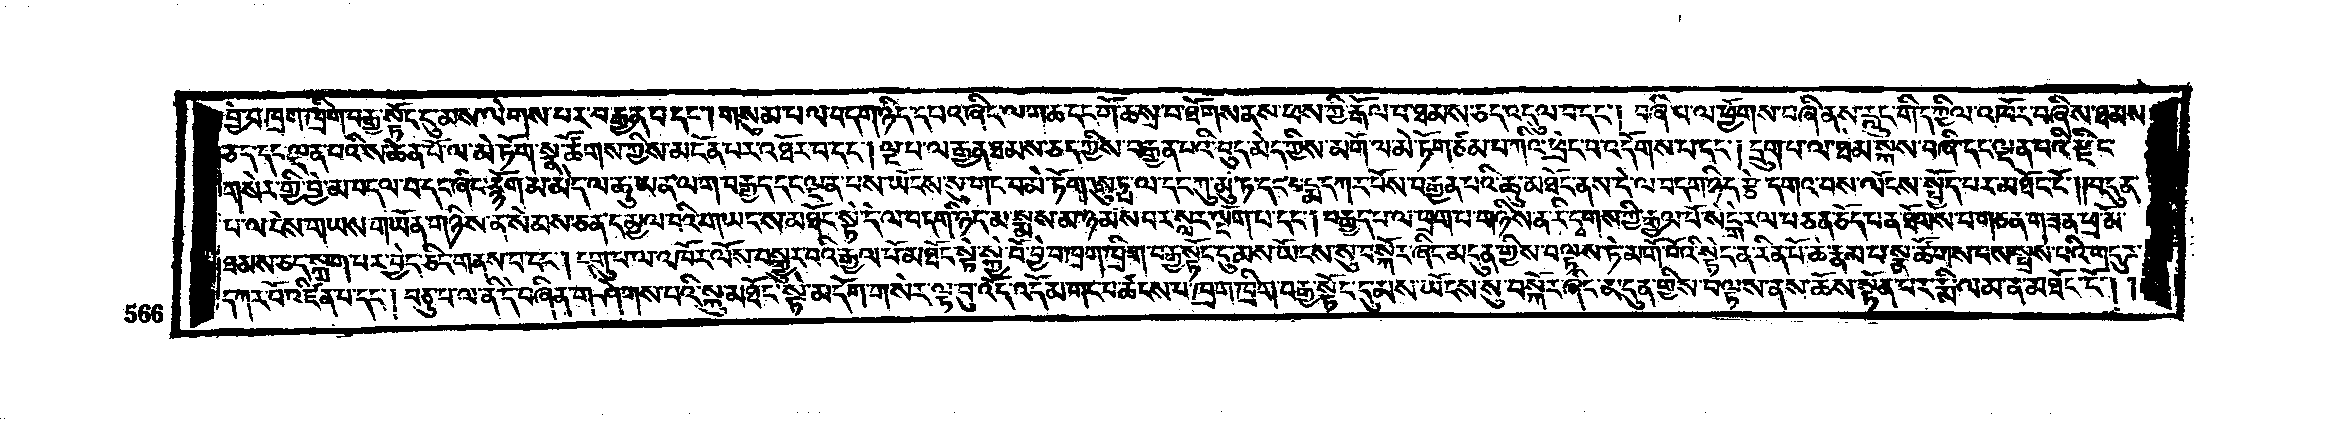བྱེ་བ་ཁྲག་ཁྲིག་བརྒྱ་སྟོང་དུ་མས་ལེགས་པར་བརྒྱན་པ་དང་། གསུམ་པ་ལ་བདག་ཉིད་དཔའ་ཞིང་ལག་ཆ་དང་གོ་ཆ་སྲ་བ་ཐོགས་ནས་ཕས་ཀྱི་རྒོལ་བ་ཐམས་ཅད་འདུལ་བ་དང་། བཞི་པ་ལ་ཕྱོགས་བཞི་ནས་རླུང་གི་དཀྱིལ་འཁོར་བཞིས་ཐམས་
ཅད་དང་ལྡན་པའི་ས་ཆེན་པོ་ལ་མེ་ཏོག་སྣ་ཚོགས་ཀྱིས་མངོན་པར་འཐོར་བ་དང་། ལྔ་པ་ལ་རྒྱན་ཐམས་ཅད་ཀྱིས་བརྒྱན་པའི་བུད་མེད་ཀྱིས་མགོ་ལ་མེ་ཏོག་ཙམ་པ་ཀའི་ཕྲེང་བ་འདོགས་པ་དང་། དྲུག་པ་ལ་ཐེམ་སྐས་བཞི་དང་ལྡན་པའི་རྫིང་
གསེར་གྱི་བྱེ་མ་བདལ་བ་དང་ཞིང་རྙོག་མ་མེད་ལ་ཆུ་ཡན་ལག་བརྒྱད་དང་ལྡན་པས་ཡོངས་སུ་གང་བ་མེ་ཏོག་ཨུཏྤ་ལ་དང་ཀུ་མུ་ཏ་དང་པདམ་དཀར་པོས་བརྒྱན་པའི་ཆུ་མཐོང་ནས་དེ་ལ་བདག་ཉིད་རྩེ་དགའ་བས་ལོངས་སྤྱོད་པར་མཐོང་ངོ། །བདུན་
པ་ལ་ངོས་གཡས་གཡོན་གཉིས་ན་སེམས་ཅན་དམྱལ་བའི་གཡང་ས་མཐོང་སྟེ་དེ་ལ་བདག་ཉིད་མ་སྨས་མ་ཉམས་པར་སླར་ལྡོག་པ་དང་། བརྒྱད་པ་ལ་ཕྲག་པ་གཉིས་ན་རི་དྭགས་ཀྱི་རྒྱལ་པོ་སེངྒེ་རལ་པ་ཅན་ཅོད་པན་ཐོགས་པ་གཅན་གཟན་ཕྲ་མོ་
ཐམས་ཅད་སྐྲག་པར་བྱེད་ཅིང་གནས་པ་དང་། དགུ་པ་ལ་འཁོར་ལོས་བསྒྱུར་བའི་རྒྱལ་པོ་མཐོང་སྟེ་སྐྱེ་བོ་བྱེ་བ་ཁྲག་ཁྲིག་བརྒྱ་སྟོང་དུ་མས་ཡོངས་སུ་བསྐོར་ཞིང་མདུན་གྱིས་བལྟས་ཏེ་མགོ་བོའི་སྟེང་ན་རིན་པོ་ཆེ་རྣམ་པ་སྣ་ཚོགས་པས་སྤྲས་པའི་གདུགས་
དཀར་པོ་འཛིན་པ་དང་། བཅུ་པ་ལ་ནི་དེ་བཞིན་གཤེགས་པའི་སྐུ་མཐོང་སྟེ་མདོག་གསེར་ལྟ་བུ་འདི་འདོམ་གང་པ་ཚངས་པ་ཁྲག་ཁྲིག་བརྒྱ་སྟོང་དུ་མས་ཡོངས་སུ་བསྐོར་ཞིང་མདུན་གྱིས་བལྟས་ནས་ཆོས་སྟོན་པར་རྨི་ལམ་ན་མཐོང་ངོ། །